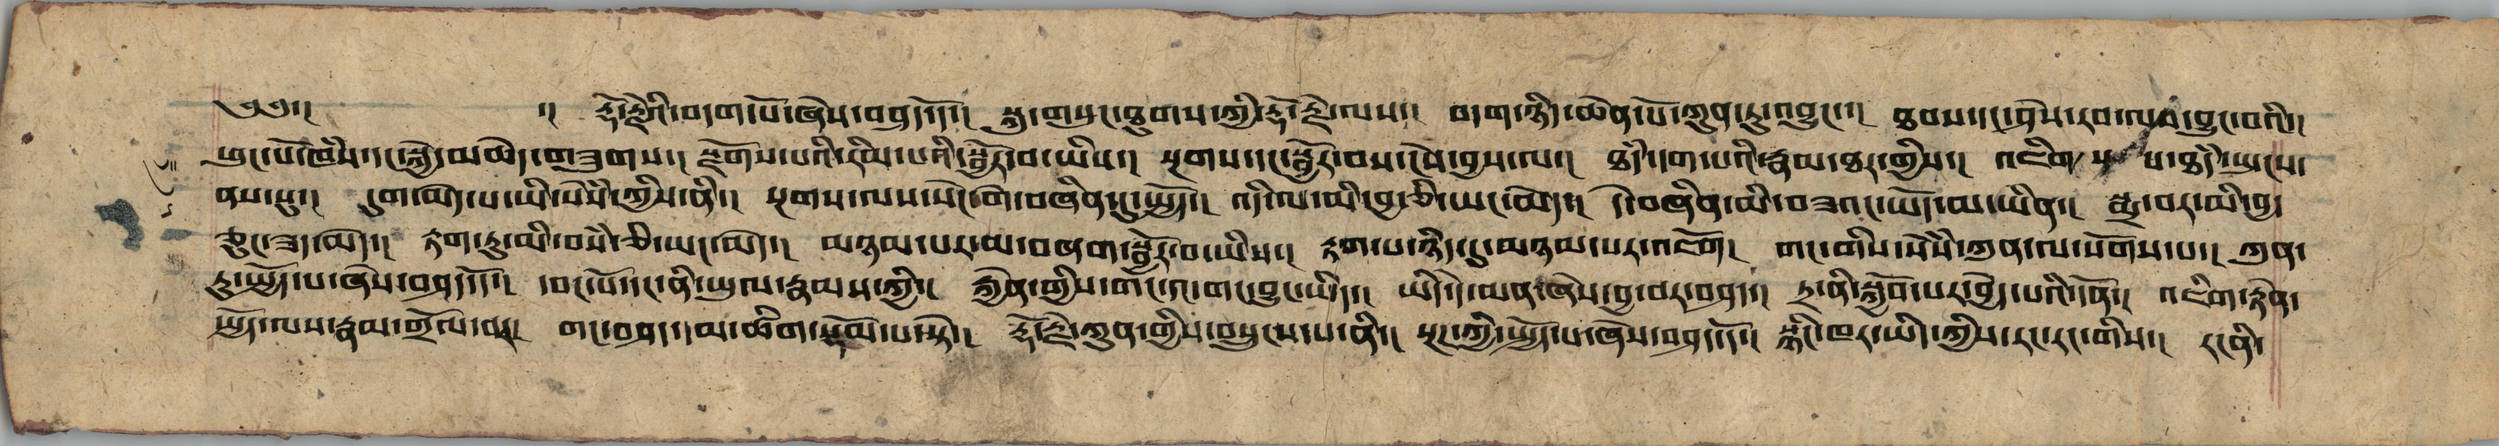༄༅་། ་། རྡོ་རྗེའི་བདག་པོ་ཞེས་བཤད་དོ་། སྐུ་གསུང་ཐུགས་ཀྱི་རྡོ་རྗེ་ལས་། བདག་ཉིད་ཆེན་པོ་ཀུན་ཏུ་འབྱུང་་། ཐབས་དང་ཤེས་རབ་ལས་བྱུང་བའི་།
ཕུང་པོ་ཁཾས་དང་སྐྱེ་མཆེད་གཟུགས་། སྫོགས་པའི་རིམ་པའི་སྦྱོར་བ་ཡིས་། སྔགས་དང་སྦྱོར་བས་ངེས་བྱས་ལ་། ཐཾད་དག་པའི་རྣམ་ཐར་གྱིས་། འཇིགས་པས་ཐཾད་སྤངས་
ནས་སུ་། དུག་མེད་པ་ཡི་སེསཾ་ཀྱིས་ནི་། སྔགས་ལས་སེང་གེ་བཞིན་དུ་སྤྱོད་། འདི་ལ་མི་བྱ་ཅི་ཡང་མེད་། དེ་བཞིན་མི་བཟའང་ཡོད་མ་ཡིན་། སྨྲ་བར་མི་བྱ་
ཅུང་ཟད་མེད་། རྟག་ཏུ་མི་བསཾ་ཅི་ཡང་མེད་། མཉམ་པར་མ་བཞག་སྦྱོར་བ་ཡིས་། རྟག་པ་ཉིད་དུ་མཉམ་པར་འཇོག། གང་གིས་སེསཾ་ཀུན་ལ་སོགས་པ་། ཀུན་
ཏུ་སྤྱོད་པ་ཞེས་བཤད་དོ་། དབང་པོ་དང་ནི་ཡུལ་རྣམས་ཀྱི་། རྐྱེན་གྱིས་གང་དང་གང་བྱུང་ཡིད་། ཡིད་དེ་མན་ཞེས་བྱ་བར་བཤད་། ཏྲ་ནི་སྐྱོབ་པར་བྱེད་པའི་དོན་། འཇིག་རྟེན་
སྤྱོད་ལས་རྣམ་གྲོལ་བ་། གང་བཤད་དམ་ཚིག་སྡོམ་པ་སྟེ་། རྡོ་རྗེ་ཀུན་གྱིས་བསྲུངས་པ་ནི་། སྔཌ་ཀྱི་སྤྱོད་པ་ཞེས་བཤད་དོ་། སྙིང་ཁར་ཡིད་ཀྱིས་རང་རང་གིས། རངིན་